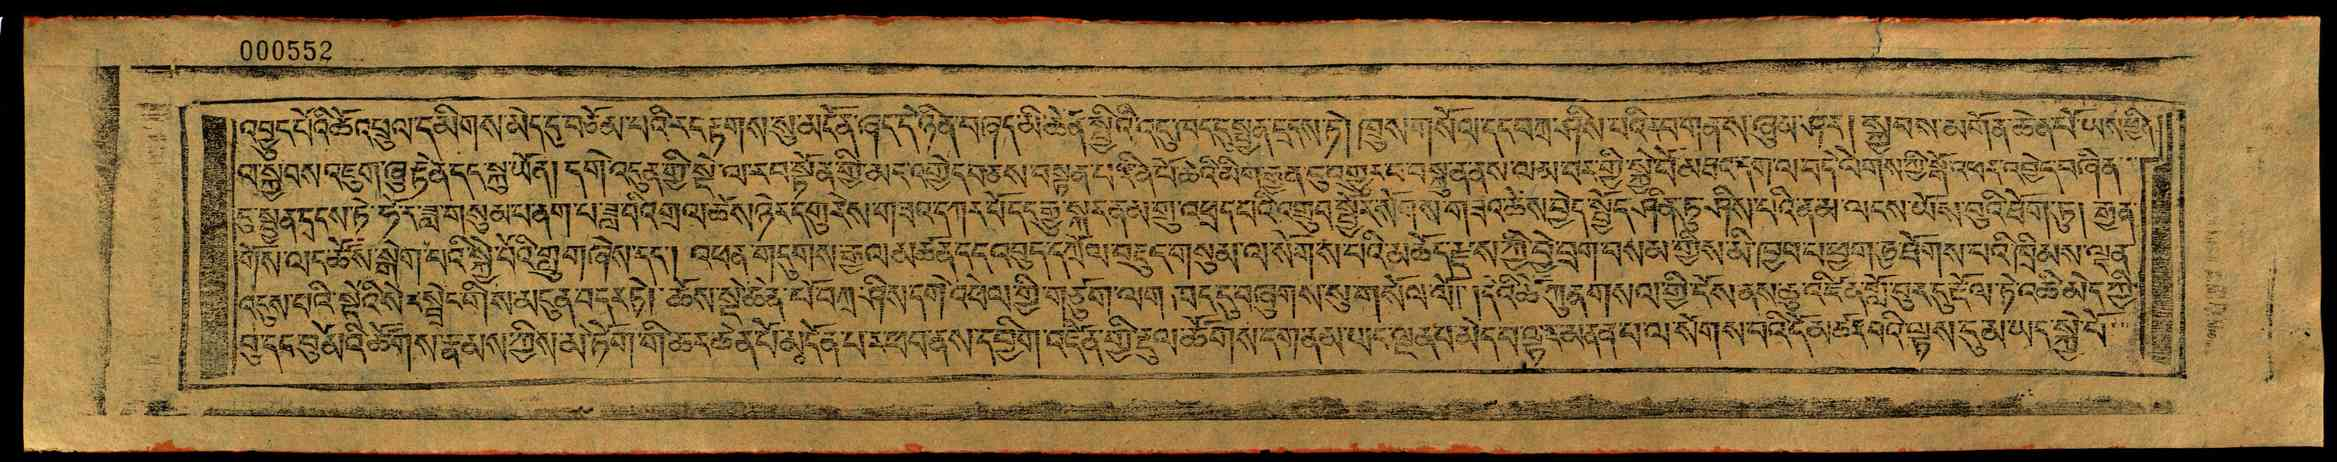འབྱུང་པོའི་ཆོ་འཕྲུལ་དམིགས་མེད་དུ་བཅོམ་པའི་རང་རྟགས་སུ་མངོན་ཞིང་དེ་ཉིན་བཞད་མི་ཚན་སྤྱིའི་འདུ་ཁང་དུ་སྤྱན་དྲངས་ཏེ། ཁྲུས་གསོལ་དང་བཀྲ་ཤིས་པའི་རབ་གནས་ཞུས་ཤིང་། སྐྱབས་མགོན་ཆེན་པོ་ཡས་ཕྱིན་
ལ་སྐྱབས་འཇུག་ཞུ་རྟེན་དང་སྐུ་ཡོན། དགེ་འདུན་གྱི་སྡེ་ལ་རབ་སྟོན་གྱི་མང་འགྱེད་བཅས་བསྟན་པ་རིན་པོ་ཆེའི་མིག་རྒྱན་དུ་འགྱུར་བ་བསྐྲུན་ནས་ལམ་བར་གྱི་སྐྱེ་བོ་མཐའ་དག་ལ་བདེ་ལེགས་ཀྱི་སྒོ་འཕང་འབྱེད་བཞིན་
དུ་སྤྱན་དྲངས་ཏེ། ཧོར་ཟླ་གསུམ་པ་ནག་པ་ཟླ་བའི་གྲལ་ཚེས་ཉེར་དགུ་རེས་གཟའ་དཀར་པོ་དང་རྒྱུ་སྐར་ནམ་གྲུ་འཕྲད་པའི་འགྲུབ་སྦྱོར་སོགས་གཟའ་ཚེས་བྱེད་སྦྱོར་ཤིན་ཏུ་ཤིས་པའི་ནམ་ལངས་ཡོངས་བུའི་ཐོག་ཏུ། རྒྱན་
གོས་ལང་ཚོས་སྒེག་པའི་སྐྱེ་བོའི་གླུ་གཞེ་ས་དང་། འཕན་གདུགས་རྒྱལ་མཚན་དར་འབུད་དཀྲོལ་བརྡུང་གསུམ་ལ་སོགས་པའི་མཆོད་རྫས་ཀྱི་བྱེ་བྲག་བསམ་གྱིས་མི་ཁྱབ་པ་ཕྱག་ཏུ་ཐོགས་པའི་ཁྲིམས་ལྡན་
འདུས་པའི་སྡེའི་སེར་སྦྲེང་གིས་མདུན་བདར་ཏེ། ཆོས་སྡེ་ཆེན་པོ་བཀྲ་ཤིས་དགེ་འཕེལ་གྱི་གཙུག་ལག་ཁང་དུ་བཞུགས་སུ་གསོལ་ལོ། །དེའི་ཚེ་ཀུན་གསལ་གྱི་ངོས་ནས་ཆུ་འཛིན་གློ་བུར་དུ་རྡོལ་ཏེ་འཆི་མེད་ཀྱི་
བུ་དང་བུ་མོའི་ཚོགས་རྣམས་ཀྱིས་མེ་ཏོག་གི་ཆར་ཆེན་པོ་མངོན་པར་ཕབ་ནས་དབྱིག་འཛིན་གྱི་རྡུལ་རྡུལ་ཚོགས་དག་ནམ་ཡང་ལྡང་བ་མེད་པ་ལྟར་མནན་པ་ལ་སོགས་པའི་མཚར་བའི་ལྟས་དུ་མ་ཡང་སྐྱེ་བོ་